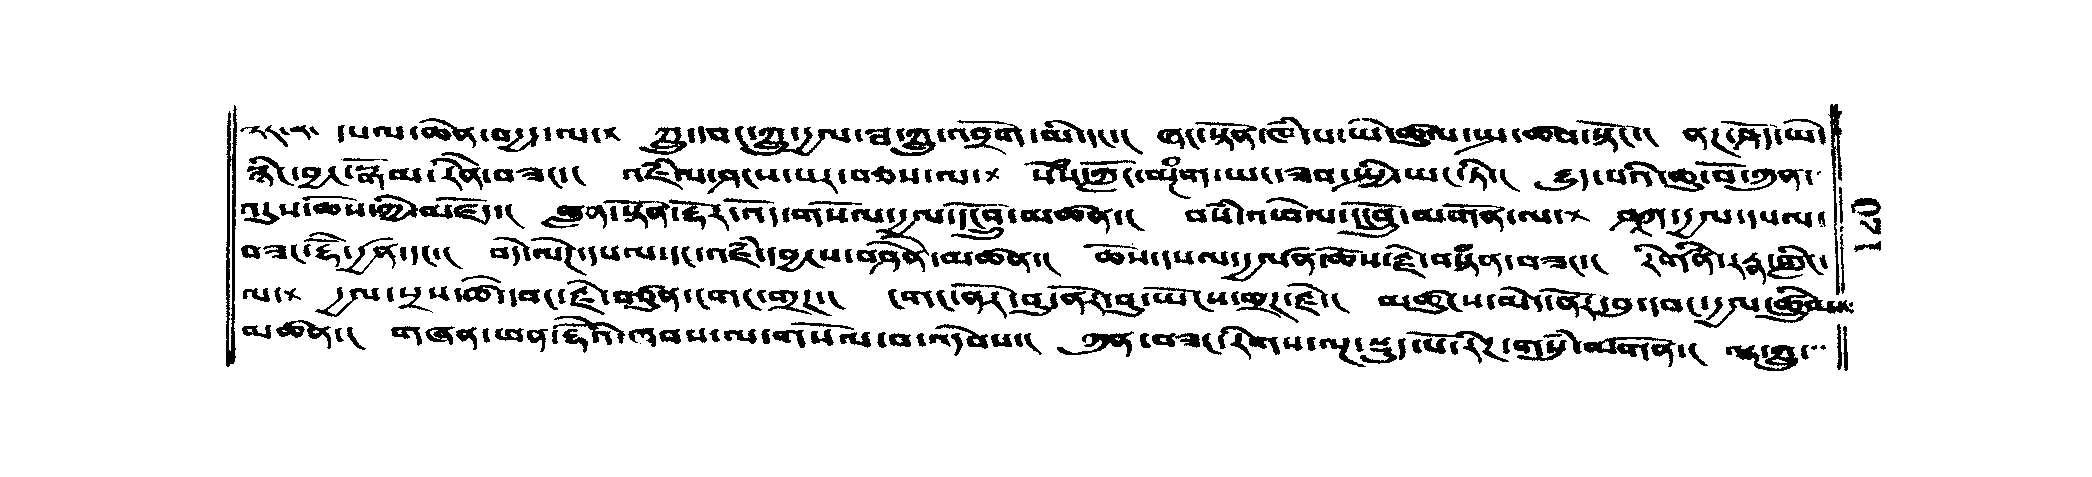དཔལ་ཆེན་བརྒྱད་ལ༴ །ཀླུ་དབང་ཀླུ་རྒྱལ་སྦ་ཀླུ་འབྲོག་མི་དང་། །ཞང་སྟོན་ཁམས་པ་ཡེ་ཚུལ་སྤ་ཚབ་སྟོང་། །ནགས་ཤོད་ཡེ་
སྙིང་བྱང་སྒོམ་རིན་ཆེན་བཟང་། །འཇམ་དཔལ་ཤངས་པར་བཅས་ལ༴ །སེམས་ཀློང་མན་སྔགས་ཡང་ཟབ་སྤྱི་ཡང་ཏི། །རྒྱུད་པའི་ཆུ་བོ་ཀུན་
འདུས་ཆོས་ཀྱི་མཛོད། །གླན་སྟོན་རྡོར་འོད་གསོལ་རྒྱལ་དངོས་གྲུབ་མཚན། །བསམ་འཕེལ་དངོས་གྲུབ་མགོན་ལ༴ །ཤཱཀ་རྒྱལ་དཔལ་
བཟང་རྡོ་རྗེ་རྒྱལ་མཚན་དང་། །བདེ་ལེགས་དཔལ་དང་འཇམ་དབྱངས་བཤེས་གཉེན་མཚན། །ཆོས་དཔལ་རྒྱལ་མཚན་ཆོས་རྗེ་བསམ་གཏན་བཟང་། །རིག་འཛིན་རཏྣ་གླིང་
ལ༴ །རྒྱལ་སྲས་ཚེ་དབང་རྗེ་བཙུན་ངག་དབང་གྲགས། །ངག་དབང་ནོར་བུ་ནོར་བུ་ཡོངས་གྲགས་རྗེ། །མཚུངས་མེད་ནོར་བུ་དབང་རྒྱལ་ཚུལ་ཁྲིམས་མཚན། །
གཞན་ཕན་རྡོ་རྗེའི་ཞབས་ལ་གསོལ་བ་འདེབས། །ཀུན་བཟང་རིགས་ལྔ་སྡུད་པོ་རིགས་གསུམ་མགོན། །ལྷ་ཀླུ་